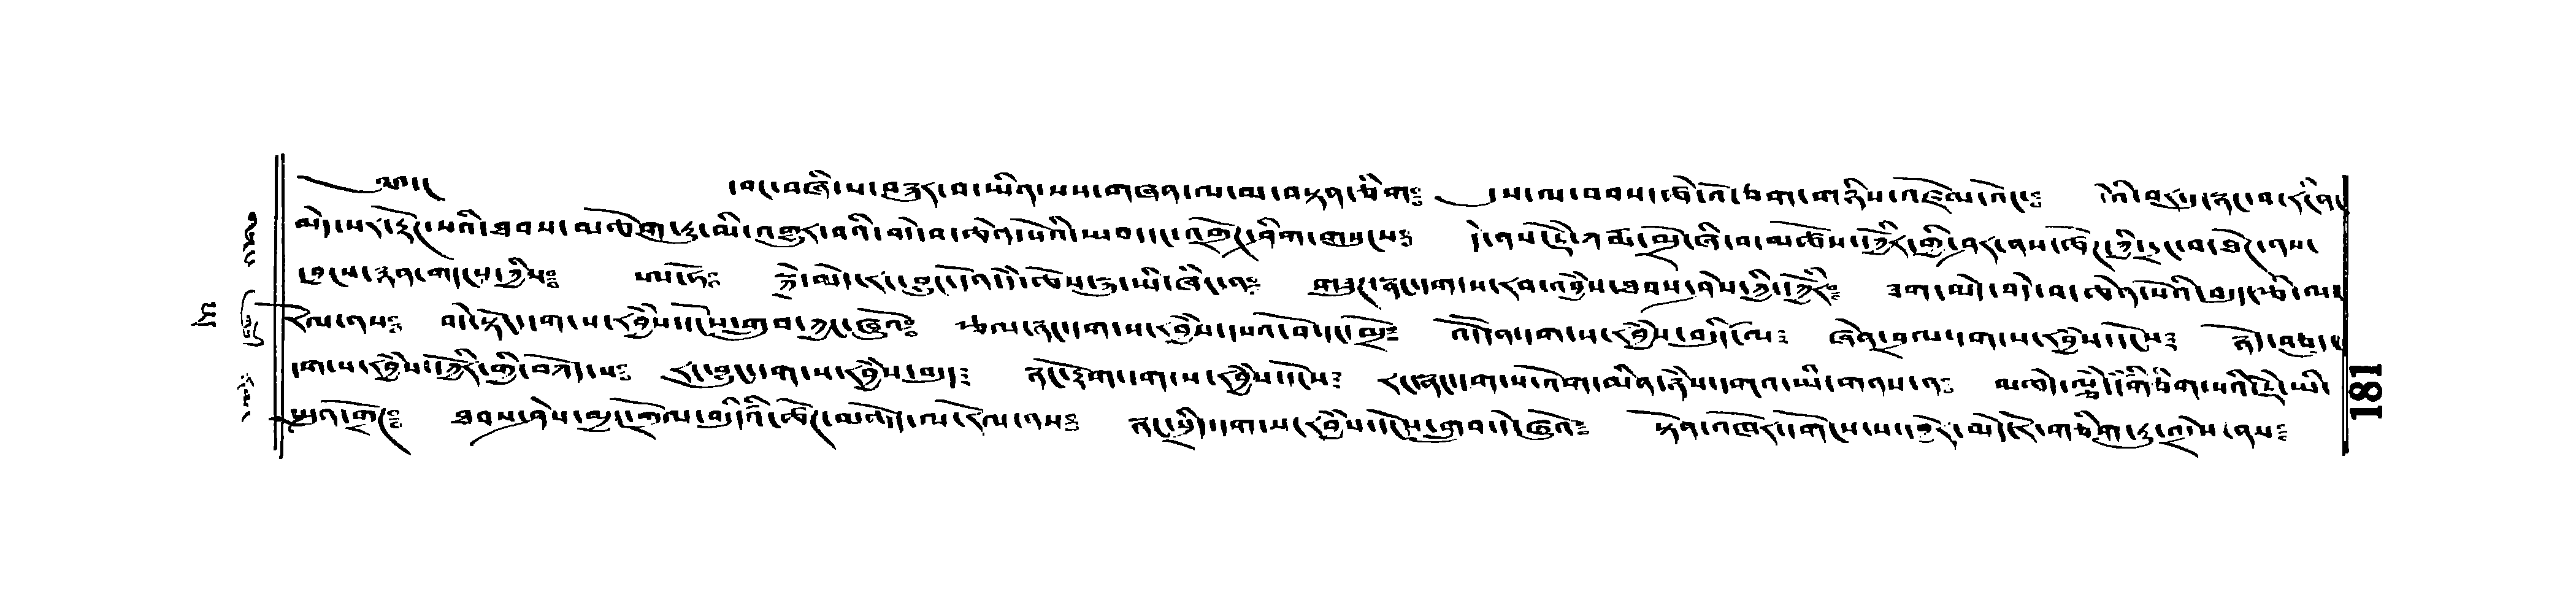དབང་བཞི་པ་བསྐུར་བ་ཡིན་པས་གཞན་ལ་མ་བསྟན་ཅིག༔ དུས་ལ་བབས་ཚེ་འོ་ཅག་གཉིས་འཛོམ་འོང༔ དེའི་བར་དུ་སྣང་བ་རང་བཞིན་
མེད་པར་རྟོགས་པའི་ཐབས་མཆོག་ཏུ་མི་འགྱུར་བའི་བདེ་བ་ཆེན་པོའི་ཡབ་དང་འགྲོགས་ཤིག་གསུངས༔ དེ་ནས་རྡོ་རྗེ་ཀརྨ་མཁའ་འགྲོ་ཞི་བ་མཚོས་དཀྱིལ་འཁོར་གྱི་ཤར་ནས་ཚོགས་ཀྱི་དྲང་བ་ཐོགས་ནས་
དབྱངས་སྙན་གདངས་ཀྱིས༔ ཨ་ཧོཿ སྐྱེ་མེད་རང་བྱུང་དོན་དམ་ཆོས་སྐུ་ཡི་ཞིང་ན༔ གཟུགས་སྣང་དག་པ་རབ་འབྱམས་ཐབས་ཤེས་ཀྱི་དཀྱིལ་འཁོར༔ ཟག་མེད་བདེ་བ་ཆེན་པོའི་བདུད་རྩི་ལ་
རོལ་ནས༔ བདེ་སྟོང་དག་པ་རབ་འབྱམས་དངོས་གྲུབ་ཀྱང་ཞུའོ༔ རྩལ་སྣང་དག་པ་རབ་འབྱམས་དཔའ་བོ་དང་མཁའ་འགྲོ༔ འདོད་དོན་དག་པ་རབ་འབྱམས་བདུད་རྩི་ལ༴ ཞེན་བྲལ་དག་པ་རབ་འབྱམས་དངོས༴ སྣོད་བཅུད་
དག་པ་རབ་འབྱམས་དཀྱིལ་འཁོར་གྱི་བཀོད་པ༔ རང་བྱུང་དག་པར་རབ་འབྱམས་བདུད༴ སྣང་རྟོག་དག་པ་རབ་འབྱམས་དངོས༴ རང་སྣང་དག་པ་འོག་མིན་ཉམས་དགའ་ཡི་གནས་ན༔ མཆེད་ལྕམ་དམ་ཚིག་གཅིག་པའི་རྡོ་རྗེ་ཡི་
སྤུན་གྲོགས༔ ཐབས་ཤེས་མྱང་གྲོལ་བདུད་རྩིའི་ཚོགས་མཆོད་ལ་རོལ་ནས༔ སྣང་སྲིད་དག་པ་རབ་འབྱམས་དངོས་གྲུབ་དེ་ཞུའོ༔ སྟོན་འཁོར་དགོངས་པ་དབྱེར་མེད་རོ་གཅིག་ཏུ་འདྲེས་ནས༔